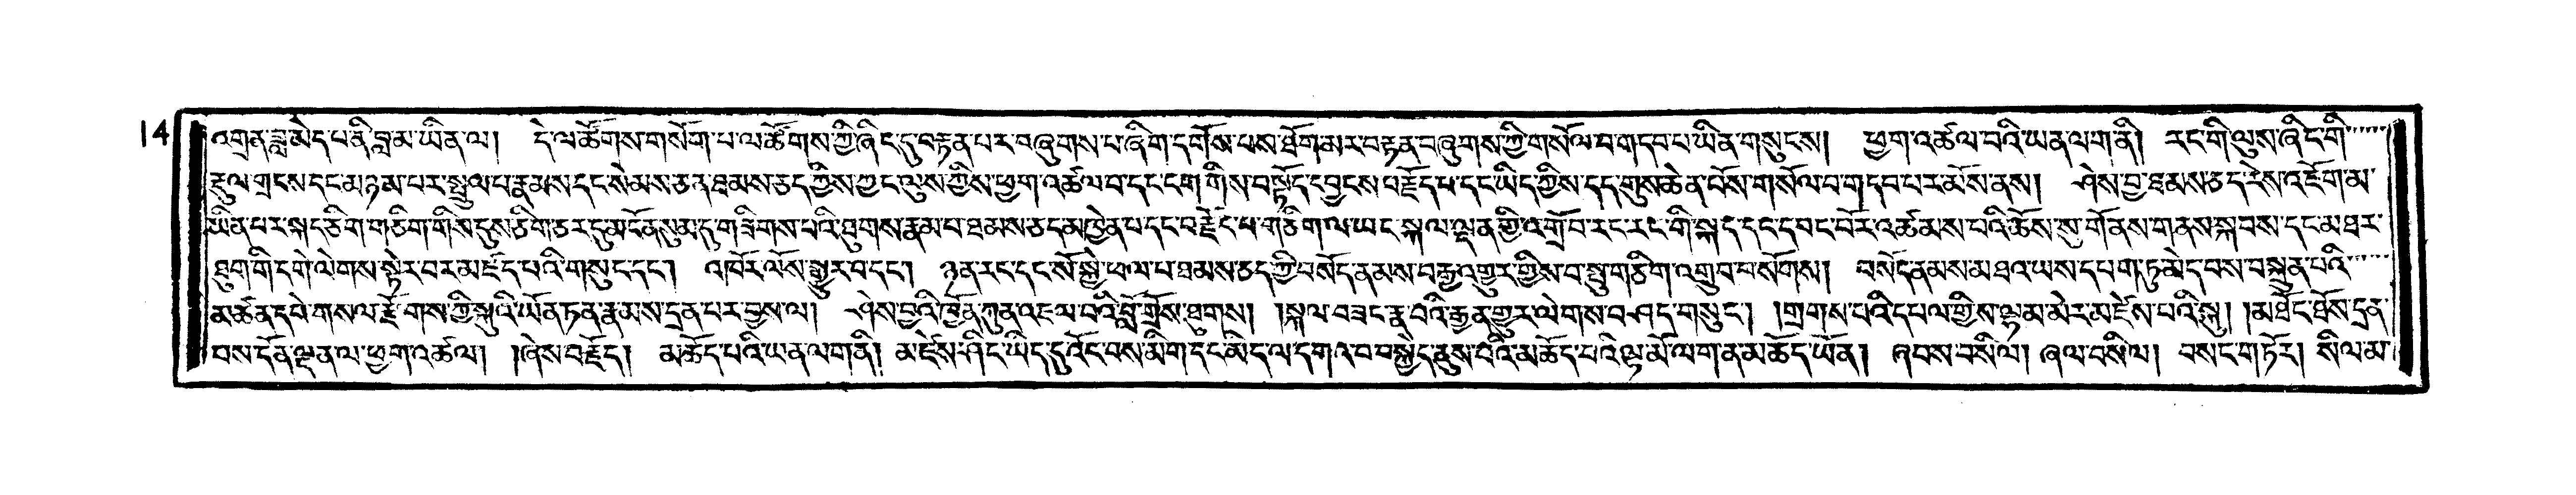འགྲན་ཟླ་མེད་པ་ནི་བླ་མ་ཡིན་ལ། དེ་ལ་ཚོགས་གསོག་པ་ལ་ཚོགས་ཀྱི་ཞིང་དུ་བརྟན་པར་བཞུགས་པ་ཞིག་དགོས་པས་ཐོག་མར་བརྟན་བཞུགས་ཀྱི་གསོལ་བ་གདབ་པ་ཡིན་གསུངས། ཕྱག་འཚལ་བའི་ཡན་ལག་ནི། རང་གི་ལུས་ཞིང་གི་
རྡུལ་གྲངས་དང་མཉམ་པར་སྤྲུལ་པ་རྣམས་དང་སེམས་ཅན་ཐམས་ཅད་ཀྱིས་ཀྱང་ལུས་ཀྱིས་ཕྱག་འཚལ་བ་དང་ངག་གིས་བསྟོད་དབྱངས་བརྗོད་པ་དང་ཡིད་ཀྱིས་དད་གུས་ཆེན་པོས་གསོལ་བ་གདབ་པར་མོས་ནས། ཤེས་བྱ་ཐམས་ཅད་རེས་འཇོག་མ་
ཡིན་པར་སྐད་ཅིག་གཅིག་གིས་དུས་ཅིག་ཅར་དུ་མངོན་སུམ་དུ་གཟིགས་པའི་ཐུགས་རྣམ་པ་ཐམས་ཅད་མཁྱེན་པ་དང་བརྗོད་པ་གཅིག་ལ་ཡང་སྐལ་ལྡན་གྱི་འགྲོ་བ་རང་རང་གི་སྐད་དང་དབང་པོར་འཚམས་པའི་ཆོས་སུ་གོ་ནས་གནས་སྐབས་དང་མཐར་
ཐུག་གི་དགེ་ལེགས་སྟེར་བར་མཛད་པའི་གསུང་དང་། འཁོར་ལོས་སྒྱུར་བ་དང་། ཉན་རང་དང་སོ་སྐྱེ་ཕལ་པ་ཐམས་ཅད་ཀྱི་བསོད་ནམས་བརྒྱ་འགྱུར་གྱིས་བ་སྤུ་གཅིག་འགྲུབ་པ་སོགས། བསོད་ནམས་མཐའ་ཡས་དཔག་ཏུ་མེད་པས་བསྐྲུན་པའི་
མཚན་དཔེ་གསལ་རྫོགས་ཀྱི་སྐུའི་ཡོན་ཏན་རྣམས་དྲན་པར་བྱས་ལ། ཤེས་བྱའི་ཁྱོན་ཀུན་འཇལ་བའི་བློ་གྲོས་ཐུགས། །སྐལ་བཟང་རྣ་བའི་རྒྱན་གྱུར་ལེགས་བཤད་གསུང་། །གྲགས་པའི་དཔལ་གྱིས་ལྷམ་མེར་མཛེས་པའི་སྐུ། །མཐོང་ཐོས་དྲན་
བས་དོན་ལྡན་ལ་ཕྱག་འཚལ། །ཞེས་བརྗོད། མཆོད་པའི་ཡན་ལག་ནི། མཛེས་ཤིང་ཡིད་དུ་འོང་བས་མིག་དང་མིད་ལ་དགའ་བ་བསྐྱེད་ནུས་པའི་མཆོད་པའི་ལྷ་མོ་ལག་ན་མཆོད་ཡོན། ཞབས་བསིལ། ཞལ་བསིལ། བསང་གཏོར། སིལ་མ་